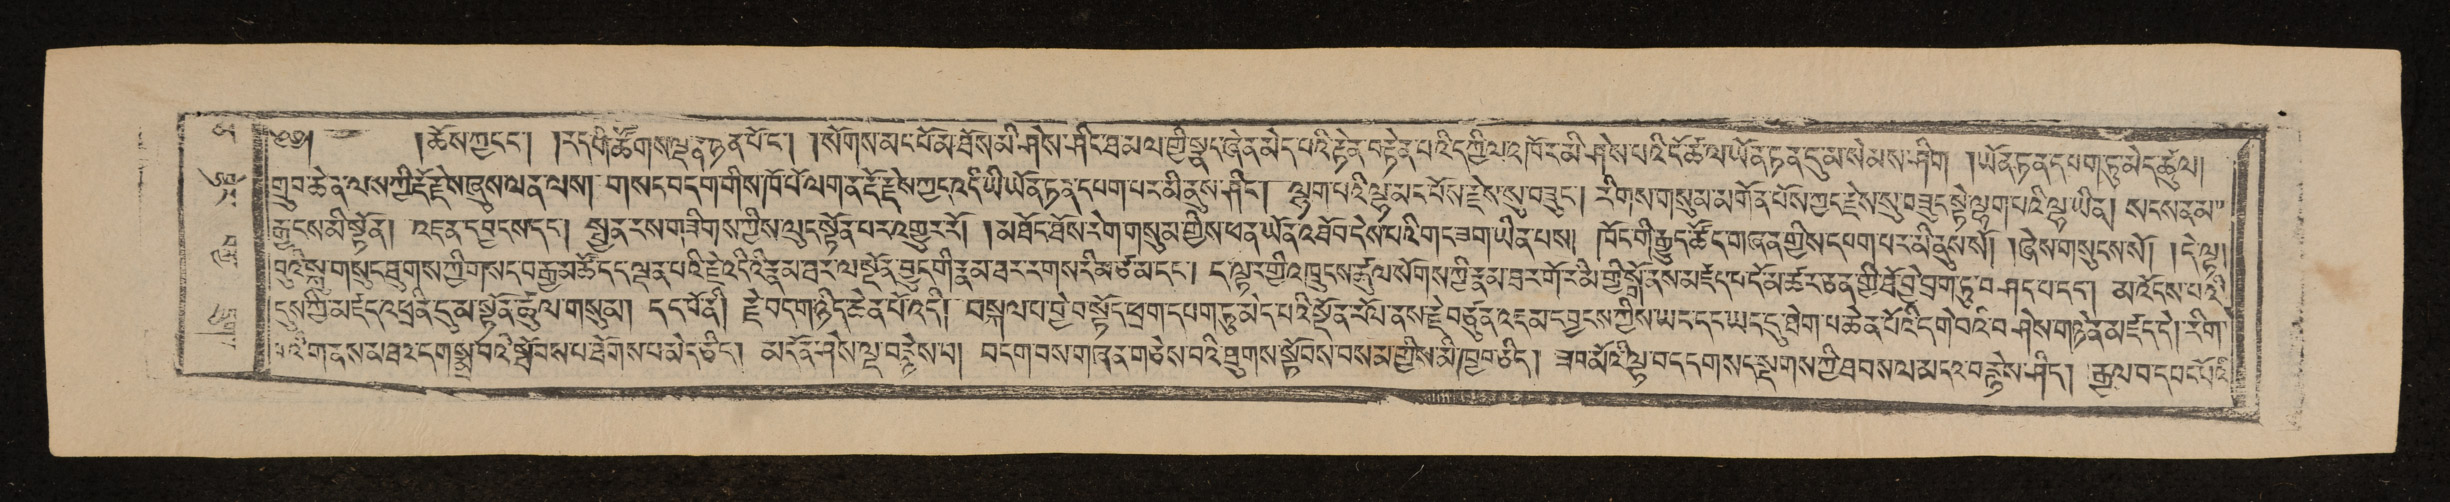༄༅། །ཆོས་ཀྱང་ང་། །རང་གི་ཚོགས་ལྡན་ཉན་པོ་ང་། །སོགས་མང་པོ་མ་ཐོས་མི་ཤེས་ཤིང་ཐ་མལ་གྱི་སྣང་ཞེན་མེད་བའི་རྟེན་བརྟེན་པའི་དཀྱིལ་འཁོར་མི་ཤེས་པའི་ངོ་ཚ་ལ་ཡོན་ཏན་དུ་མ་སེམས་ཤིག །ཡོན་ཏན་དཔག་ཏུ་མེད་ཚུལ།
གྲུབ་ཆེན་ལས་ཀྱི་རྡོ་རྗེས་ཞུས་ལན་ལས། གསང་བདག་གིས་ཁོ་བོ་ལག་ན་རྡོ་རྗེས་ཀྱང་འདི་ཡི་ཡོན་ཏན་དཔག་པར་མི་ནུས་ཤིང་། ལྷག་པའི་ལྷ་མང་པོས་རྗེས་སུ་བཟུང་། རིགས་གསུམ་མགོན་པོས་ཀྱང་རྗེས་སུ་བཟུང་སྟེ་ལྷག་པའི་ལྷ་ཡིན། སངས་ནམ་
རྒྱ་ངས་མི་སྟོན། འཇམ་དབྱངས་དང་། སྤྱན་རས་གཟིགས་ཀྱིས་ལུང་སྟོན་པར་འགྱུར་རོ། །མཐོང་ཐོས་རེག་གསུམ་གྱིས་ཕན་ཡོན་འཐོབ་ངེས་པའི་གང་ཟག་ཡིན་པས། ཁོང་གི་རྒྱུད་ཚོད་གཞན་གྱིས་དཔག་པར་མི་ནུས་སོ། །ཞེས་གསུངས་སོ། །དེ་ལྟ་
བུའི་སྐུ་གསུང་ཐུགས་ཀྱི་གསང་བ་རྒྱ་མཚོ་དང་ལྡན་པའི་རྗེ་འདིའི་རྣམ་ཐར་ལ་སྔོན་བྱུང་གི་རྣམ་ཐར་རགས་རིམ་ཙམ་དང་། ད་ལྟར་གྱི་འཁྲུངས་ཚུལ་སོགས་ཀྱི་རྣམ་ཐར་གོ་རིམ་གྱི་སྒོ་ནས་མཛད་པ་ངོ་མཚར་ཅན་གྱི་ཐོ་བྱེ་བྲག་ཏུ་བཤད་པ་དང་། མ་འོངས་པའི་
དུས་ཀྱི་མཛད་འཕྲིན་དུ་མ་སྟོན་ཚུལ་གསུམ། དང་པོ་ནི། རྗེ་བདག་ཉིད་ཆེན་པོ་འདི། བསྐལ་པ་བྱེ་བ་སྟོང་ཕྲག་དཔག་ཏུ་མེད་པའི་སྔོན་རོལ་ནས་རྗེ་བཙུན་འཇམ་དབྱངས་ཀྱིས་ཡང་དང་ཡང་དུ་ཐེག་པ་ཆེན་པོའི་དགེ་བའི་བཤེས་གཉེན་མཛད་དེ། རིག་
པའི་གནས་མཐའ་དག་སྨྲ་བའི་སྤོབས་བ་ཐོགས་པ་མེད་ཅིང་། མངོན་ཤེས་ལྔ་བརྙེས་བ། བདག་པས་གཞན་གཅེས་པའི་ཐུགས་སྟོབས་བསམ་གྱིས་མི་ཁྱབ་ཅིང་། ཟབ་མོའི་ལྟ་བ་དང་གསང་སྔགས་ཀྱི་ཐབས་ལ་མངའ་བརྙེས་ཤིང་། རྒྱལ་བ་དབང་པོའི་